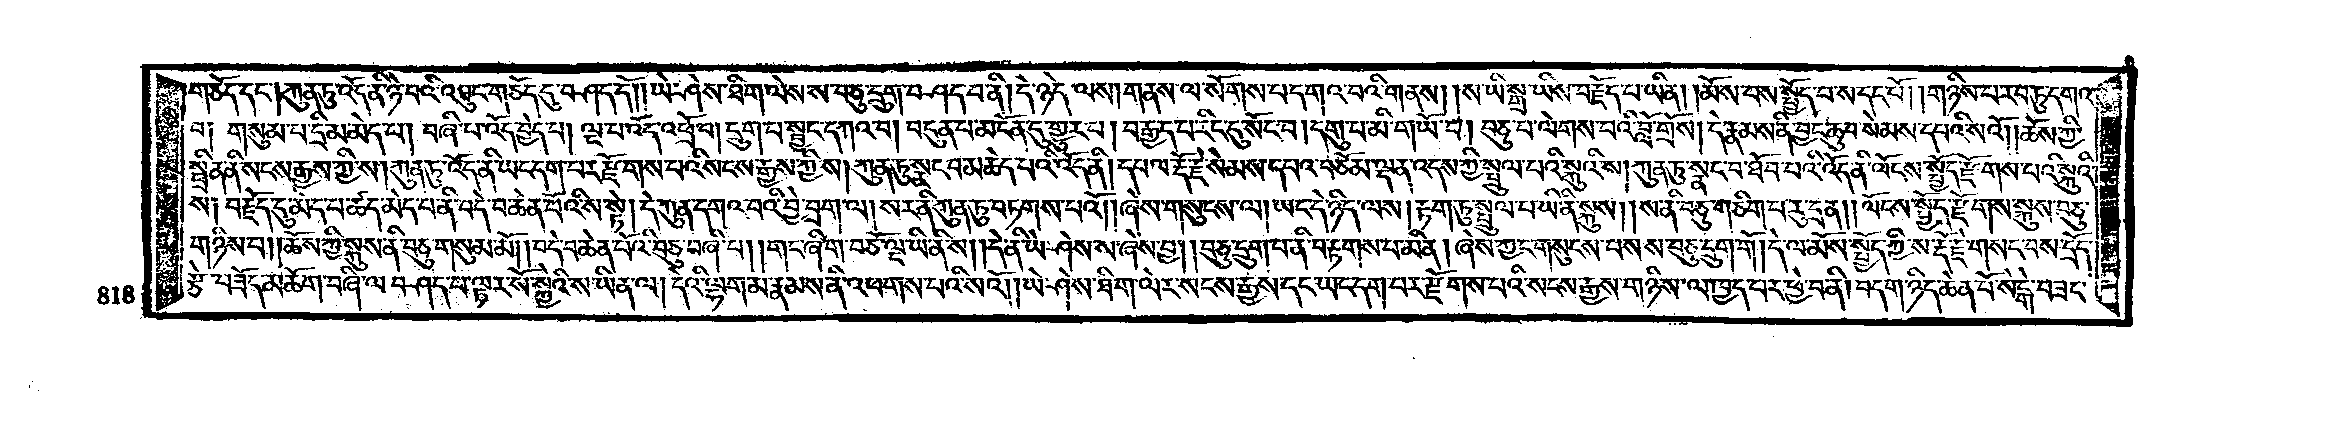གཅེད་དང་། ཀུན་ཏུ་འོད་ནི་ཉེ་བའི་འཐུང་གཅོད་དུ་བཤད་དེ། ཡེ་ཤེས་ཐིག་ལེས་ས་བཅུ་དྲུག་བཤད་པ་ནི། དེ་ཉིད་ལས། གནས་ལ་སོགས་པ་དགའ་བའི་གནས། །ས་ཡི་སྒྲ་ཡིས་བརྗོད་པ་ཡིན། །མོས་བས་སྤྱོད་བ་ས་དང་པོ། །གཉིས་པ་རབ་ཏུ་དགའ་
བ། གསུམ་པ་དྲི་མ་མེད་པ། བཞི་པ་འོད་བྱེད་པ། ལྔ་པ་འོད་འཕྲེ་བ། དྲུག་པ་སྦྱང་དཀའ་བ། བདུན་པ་མངོན་དུ་གྱུར་པ། བརྒྱད་པ་རིང་དུ་སོང་བ། དགུ་པ་མི་གཡོ་བ། བཅུ་པ་ལེགས་པའི་བློ་གྲོས། དེ་རྣམས་ནི་བྱང་ཆུབ་སེམས་དཔའི་སའོ། །ཆོས་ཀྱི་
སྤྲིན་ནི་སངས་རྒྱས་ཀྱི་ས། ཀུན་ཏུ་འོད་ནི་ཡང་དག་པར་རྫོགས་པའི་སངས་རྒྱས་ཀྱི་ས། ཀུན་ཏུ་སྣང་བ་མཆེད་པའི་འོད་ནི། དཔལ་རྡོ་རྗེ་སེམས་དཔའ་བཅོམ་ལྡན་འདས་ཀྱི་སྤྲུལ་པའི་སྐུའི་ས། ཀུན་ཏུ་སྣང་བ་ཐོབ་པའི་འོད་ནི་ལོངས་སྤྱོད་རྫོགས་པའི་སྐུའི་
ས། བརྗོད་དུ་མེད་པ་ཚད་མེད་པ་ནི་བདེ་བ་ཆེན་པོའི་ས་སྟེ། དེ་ཀུན་དགའ་བའི་བྱེ་བྲག་ལ། སར་ནི་ཀུན་ཏུ་བཏགས་པའོ། །ཞེས་གསུངས་ལ། ཡང་དེ་ཉིད་ལས། རྟག་ཏུ་སྤྲུལ་པ་ཡི་ནི་སྐུས། །ས་ནི་བཅུ་གཅིག་པ་རུ་དྲན། །ལོངས་སྤྱོད་རྫོགས་སྐུས་བཅུ་
གཉིས་པ། །ཆོས་ཀྱི་སྐུས་ནི་བཅུ་གསུམ་མོ། །བདེ་བ་ཆེན་པོའི་བཅུ་བཞི་པ། །གང་ཞིག་བཅོ་ལྔ་ཡི་ནི་ས། །དེ་ནི་ཡེ་ཤེས་ས་ཞེས་བྱ། བཅུ་དྲུག་པ་ནི་བརྟགས་པ་མིན། ཞེས་ཀྱང་གསུངས་པས་ས་བཅུ་དྲུག་གོ །དེ་ལ་མོས་སྤྱོད་ཀྱི་ས་རྡོ་རྗེ་གསང་བས་དྲོད་
རྩེ་བཟོད་མཆོག་བཞི་ལ་བཤད་པ་ལྟར་སོ་སྐྱེའི་ས་ཡིན་ལ། དེའི་ལྷག་མ་རྣམས་ནི་འཕགས་པའི་སའོ། །ཡེ་ཤེས་ཐིག་ལེར་སངས་རྒྱས་དང་ཡང་དག་པར་རྫོགས་པའི་སངས་རྒྱས་གཉིས་ལ་ཁྱད་པར་ཕྱེ་བ་ནི། བདག་ཉིད་ཆེན་པོ་སེངྒེ་བཟང་